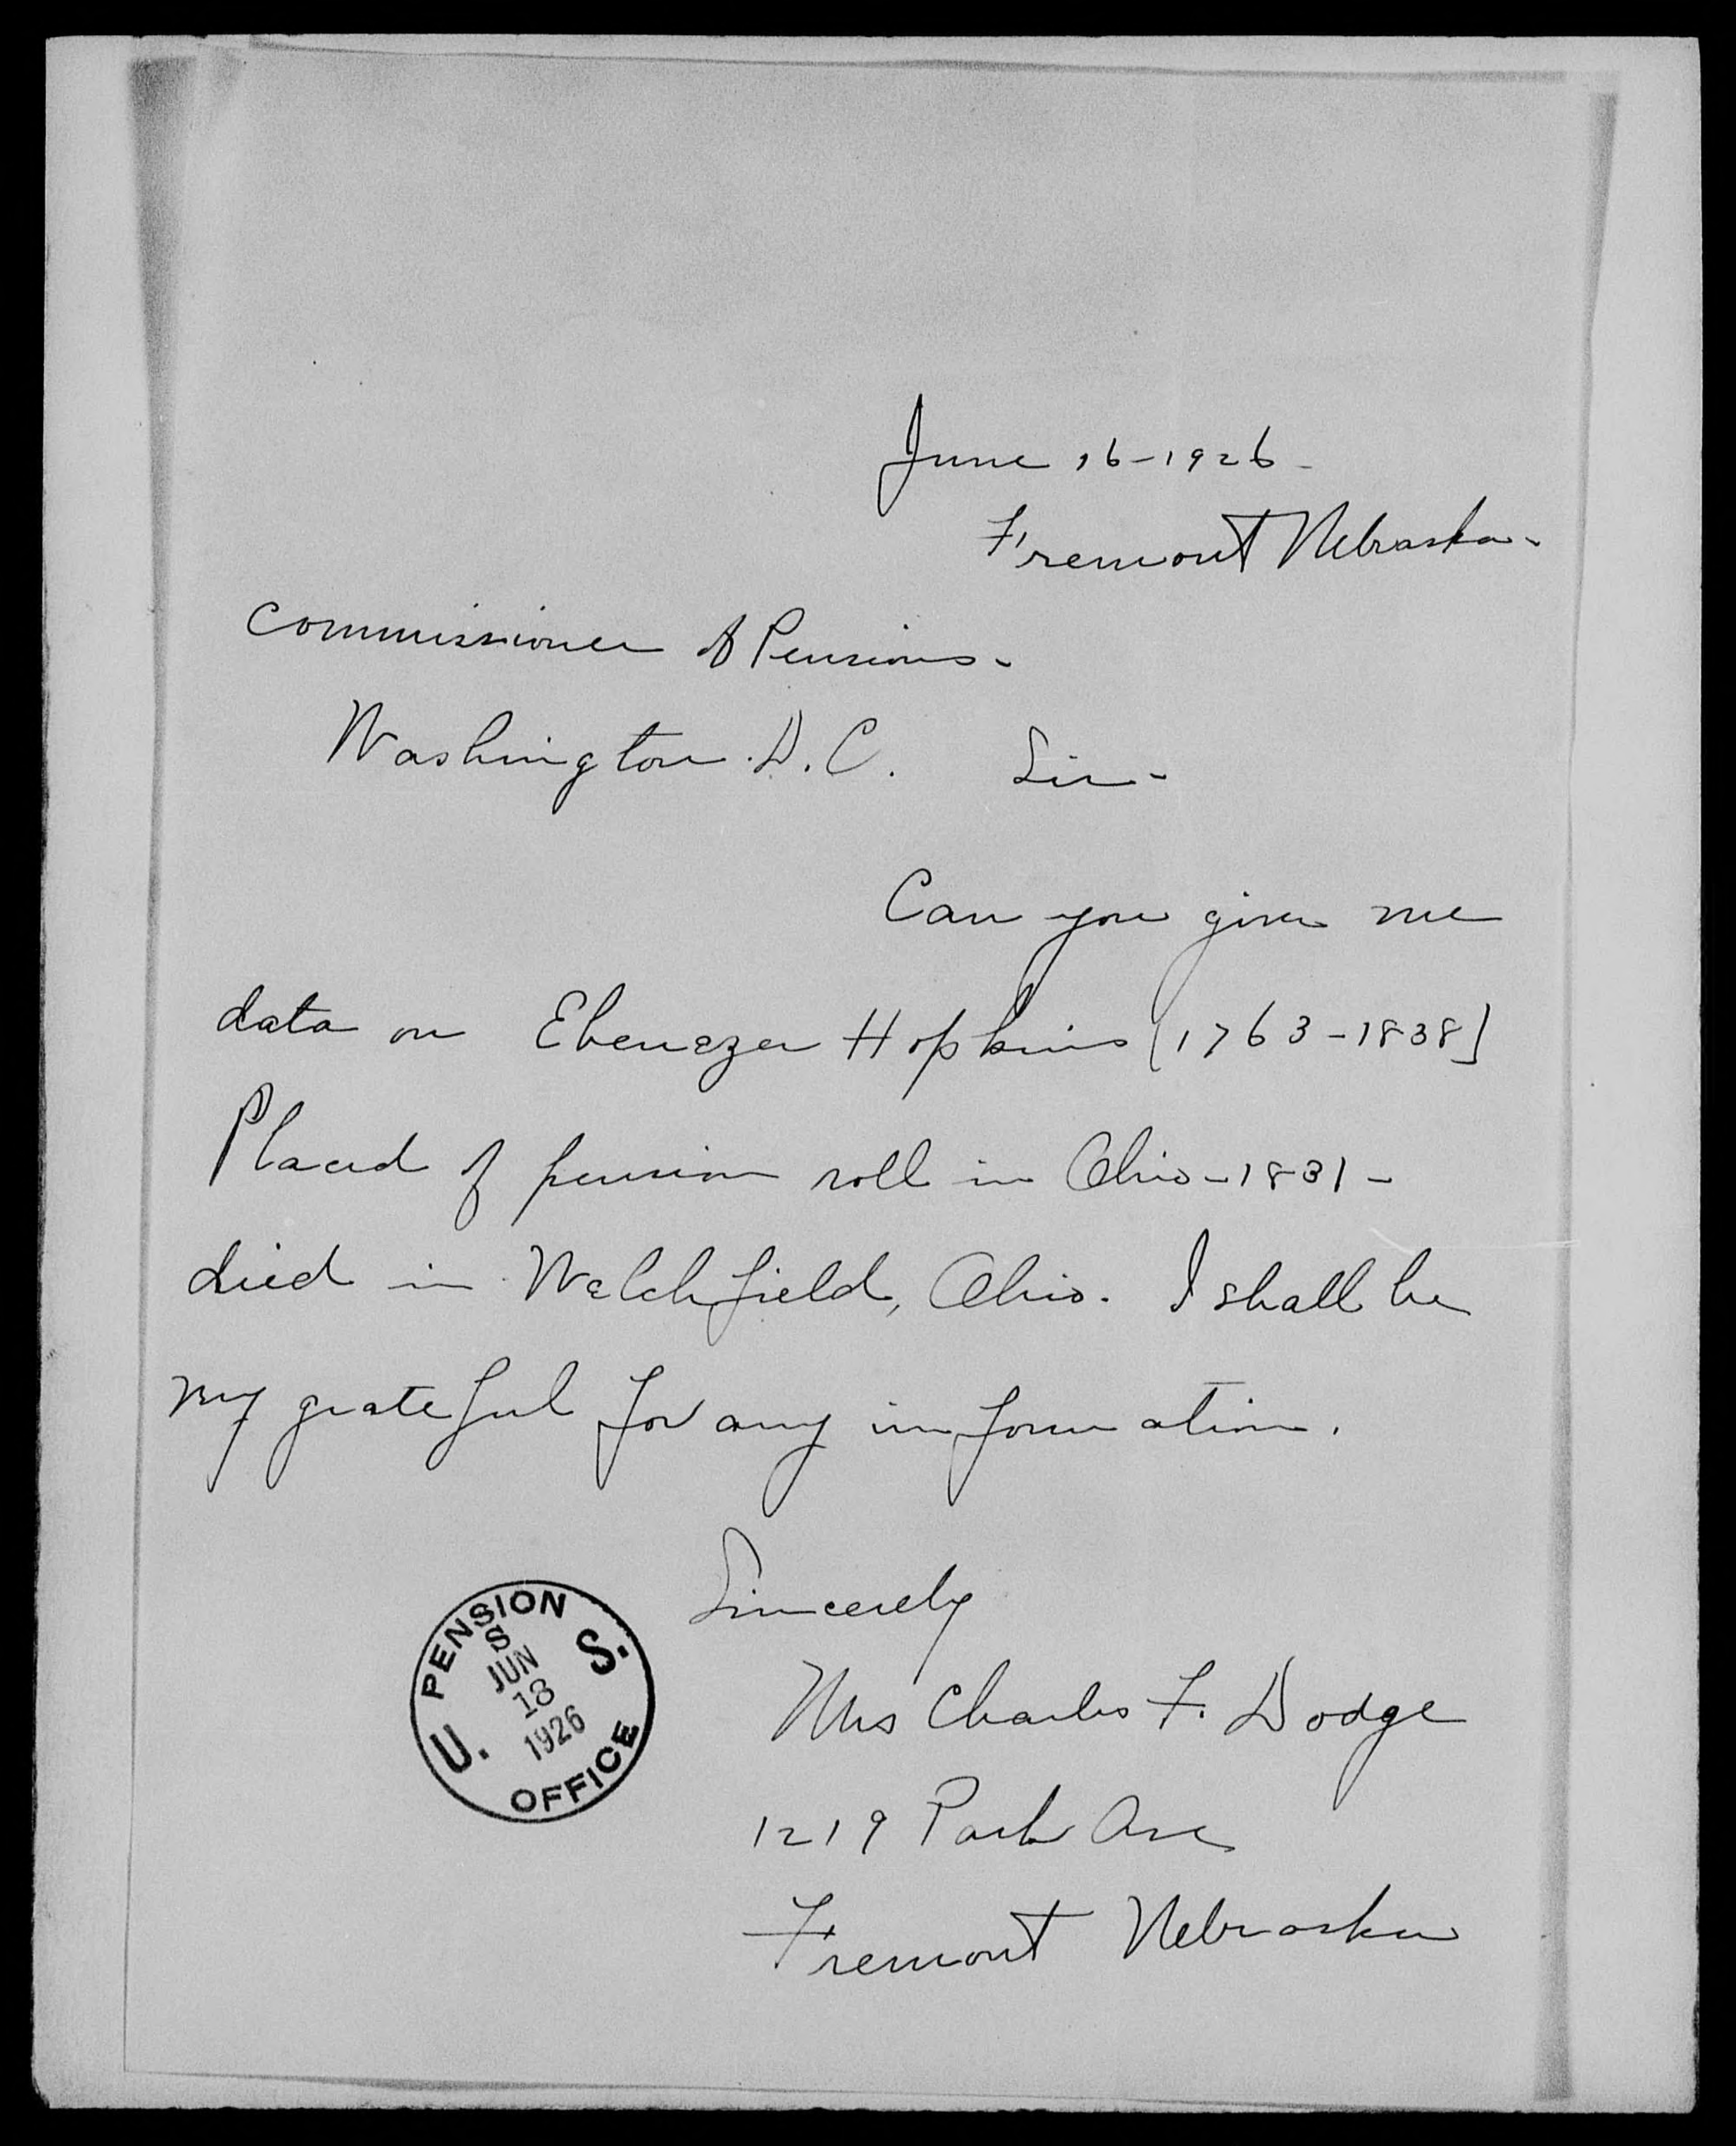June 16 - 1926
Fremont Nebraska

Commissioner of Pensions
Washington D. C. 

Sir: 
Can you give me data on Ebenezer Hopkins (1763-1838)
Placed of pension roll in Ohio - 1831 - died in Welchfield, Ohio. I shall be very grateful for any information. 
Sincerely
Mrs Charles F. Dodge
1219 Park Ave
Fremont Nebraska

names: Ebenezer Hopkins, Charles F Dodge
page: 138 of 144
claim: rejected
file: R. 5208, Dennis Hopkins, N.C.